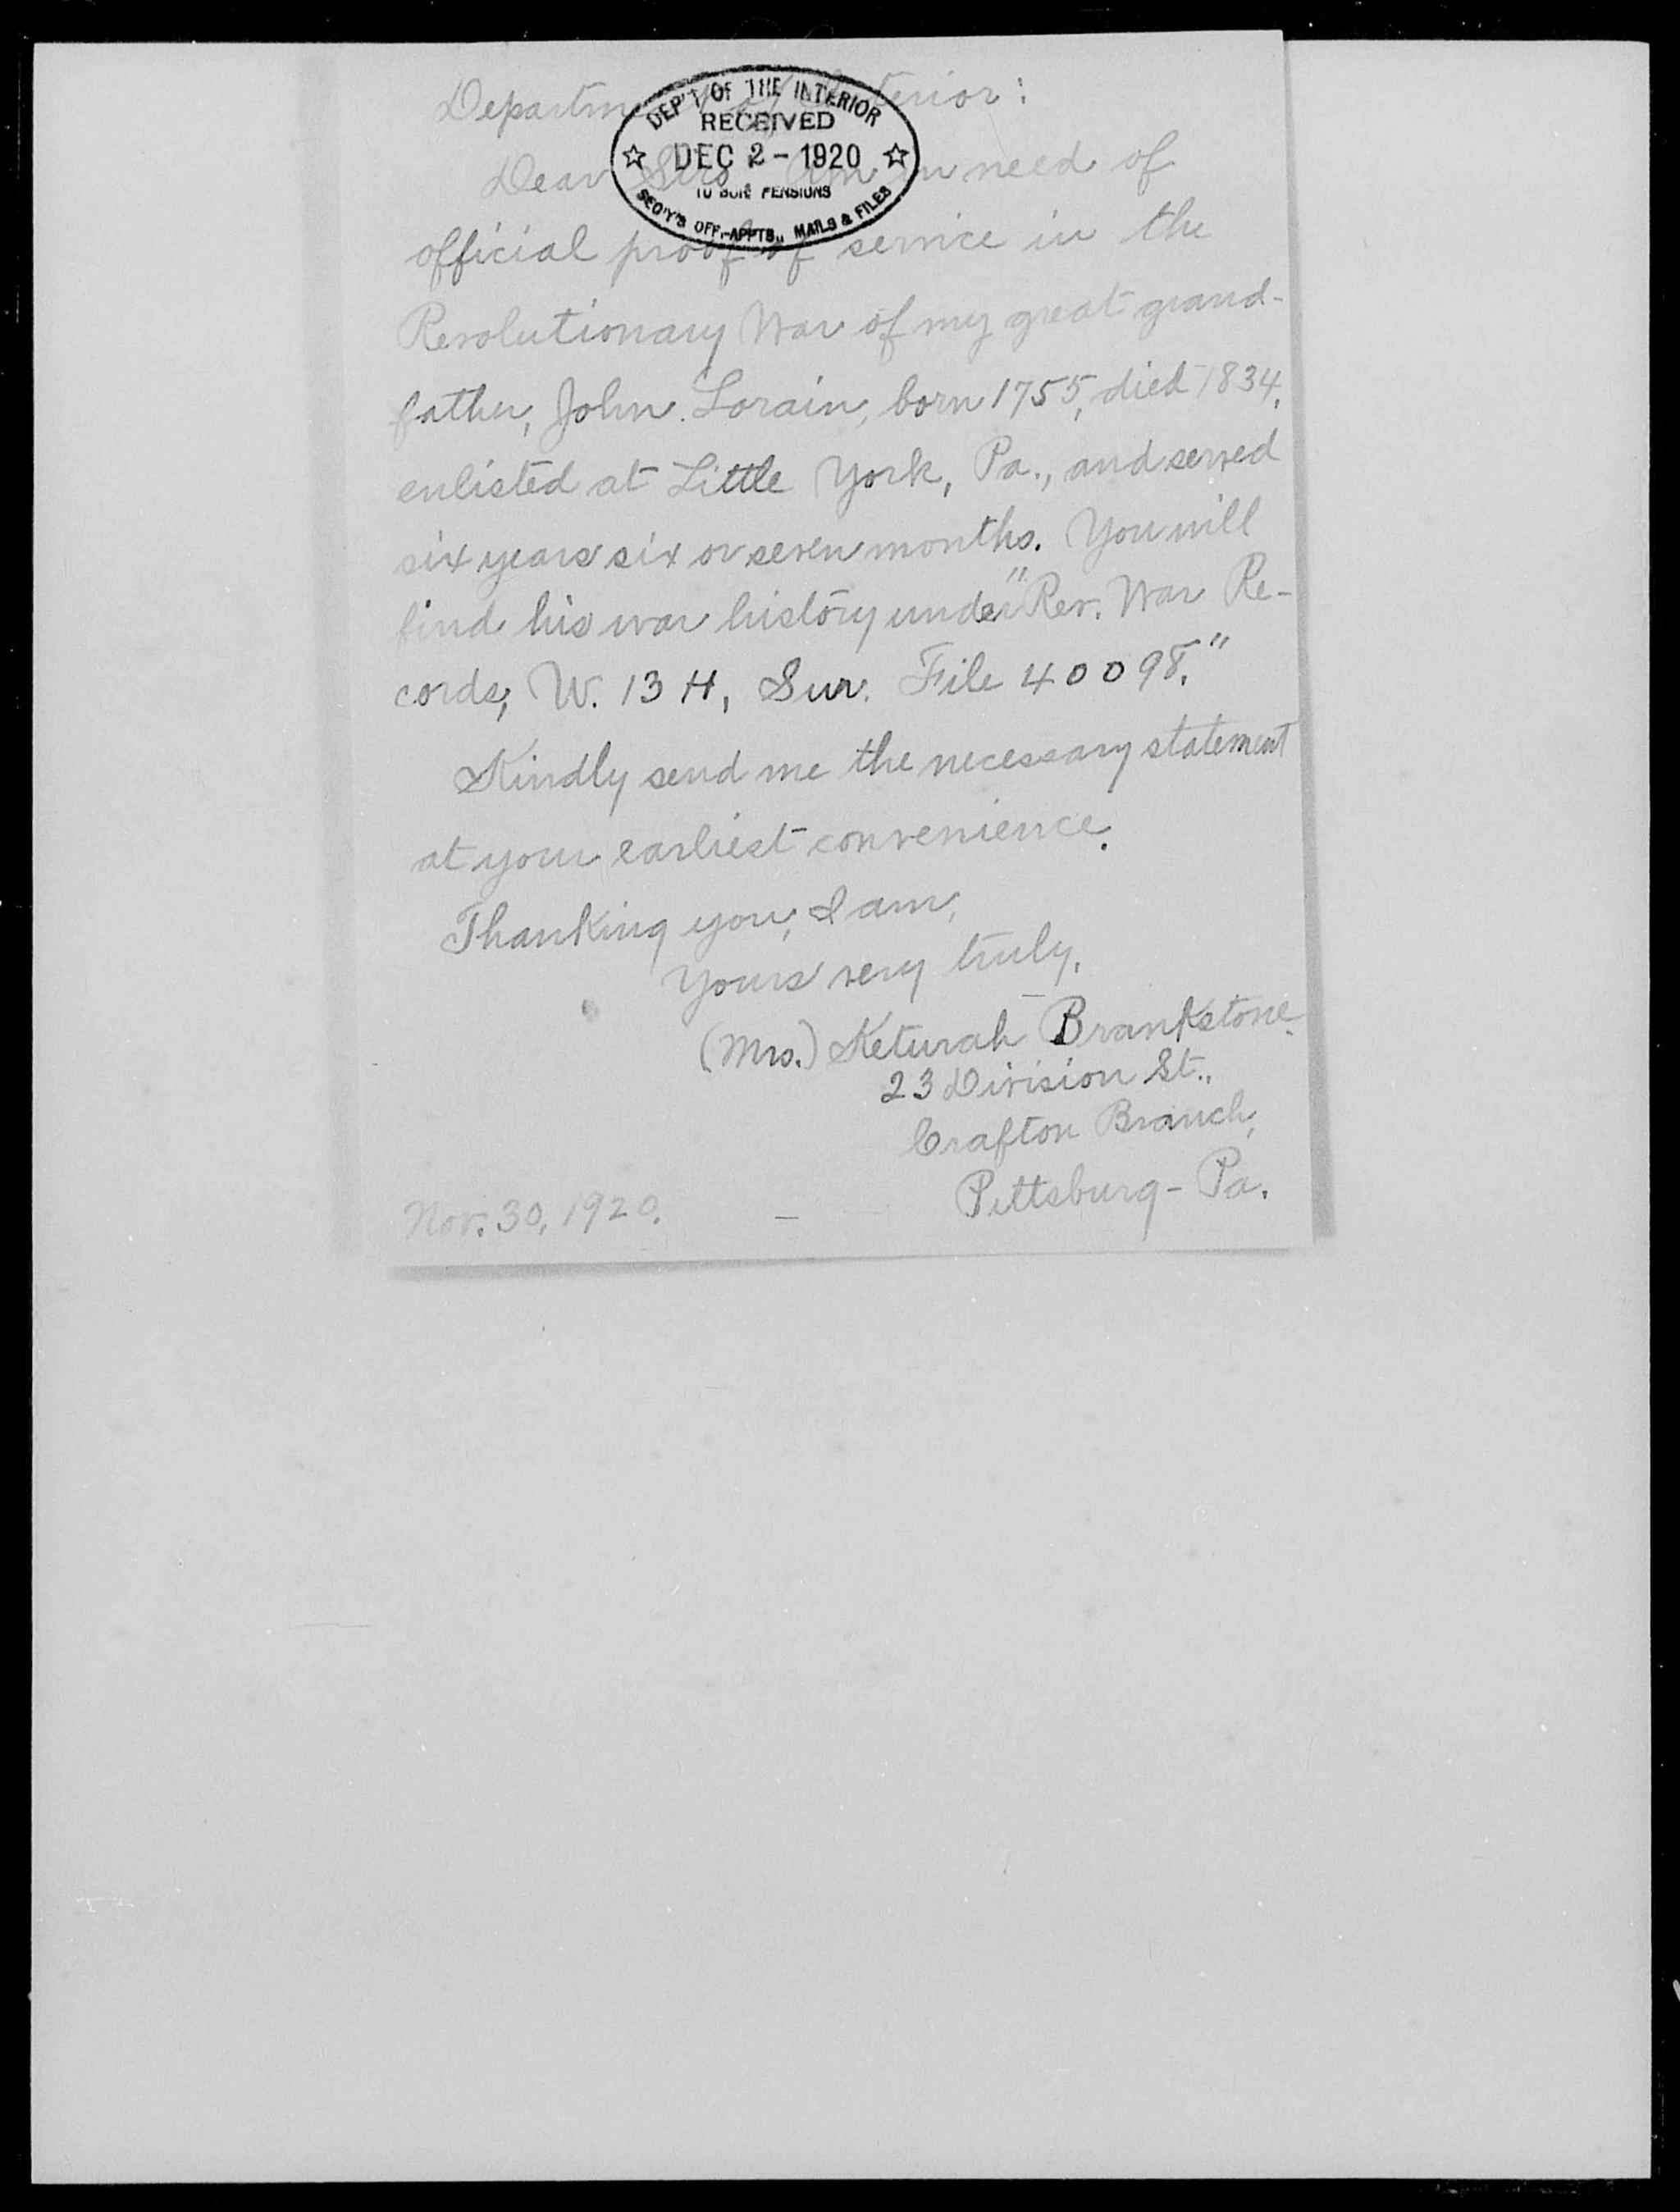[Oval stamp reads]:  DEP'T OF THE INTERIOR
RECEIVED
DEC 2 - 1920
[illegible] PENSIONS
SEQ'Y'S OFF.  -APPTS MAILS & FILES


Department of the Interior:
Dear Sirs   Am in need of official proof of service in the Revolutionary War of my great-grandfather, John Lorain, born 1755, died 1834, enlisted at Little York, Pa., and served six years six or seven months.  You will find his war history under "Rev. War Records, W. 13 H, Sur. File 40098."
Kindly send me the necessary statement at your earliest convenience.
Thanking you, I am, 
Yours very truly, 
(Mrs.) Keturah Brankstone
23 Division St.,
Crafton Branch,
Pittsburg - Pa.

Nov. 30, 1920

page: 15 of 21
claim: survivor's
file: S. 40,098, for John Lorain, Pennsylvania